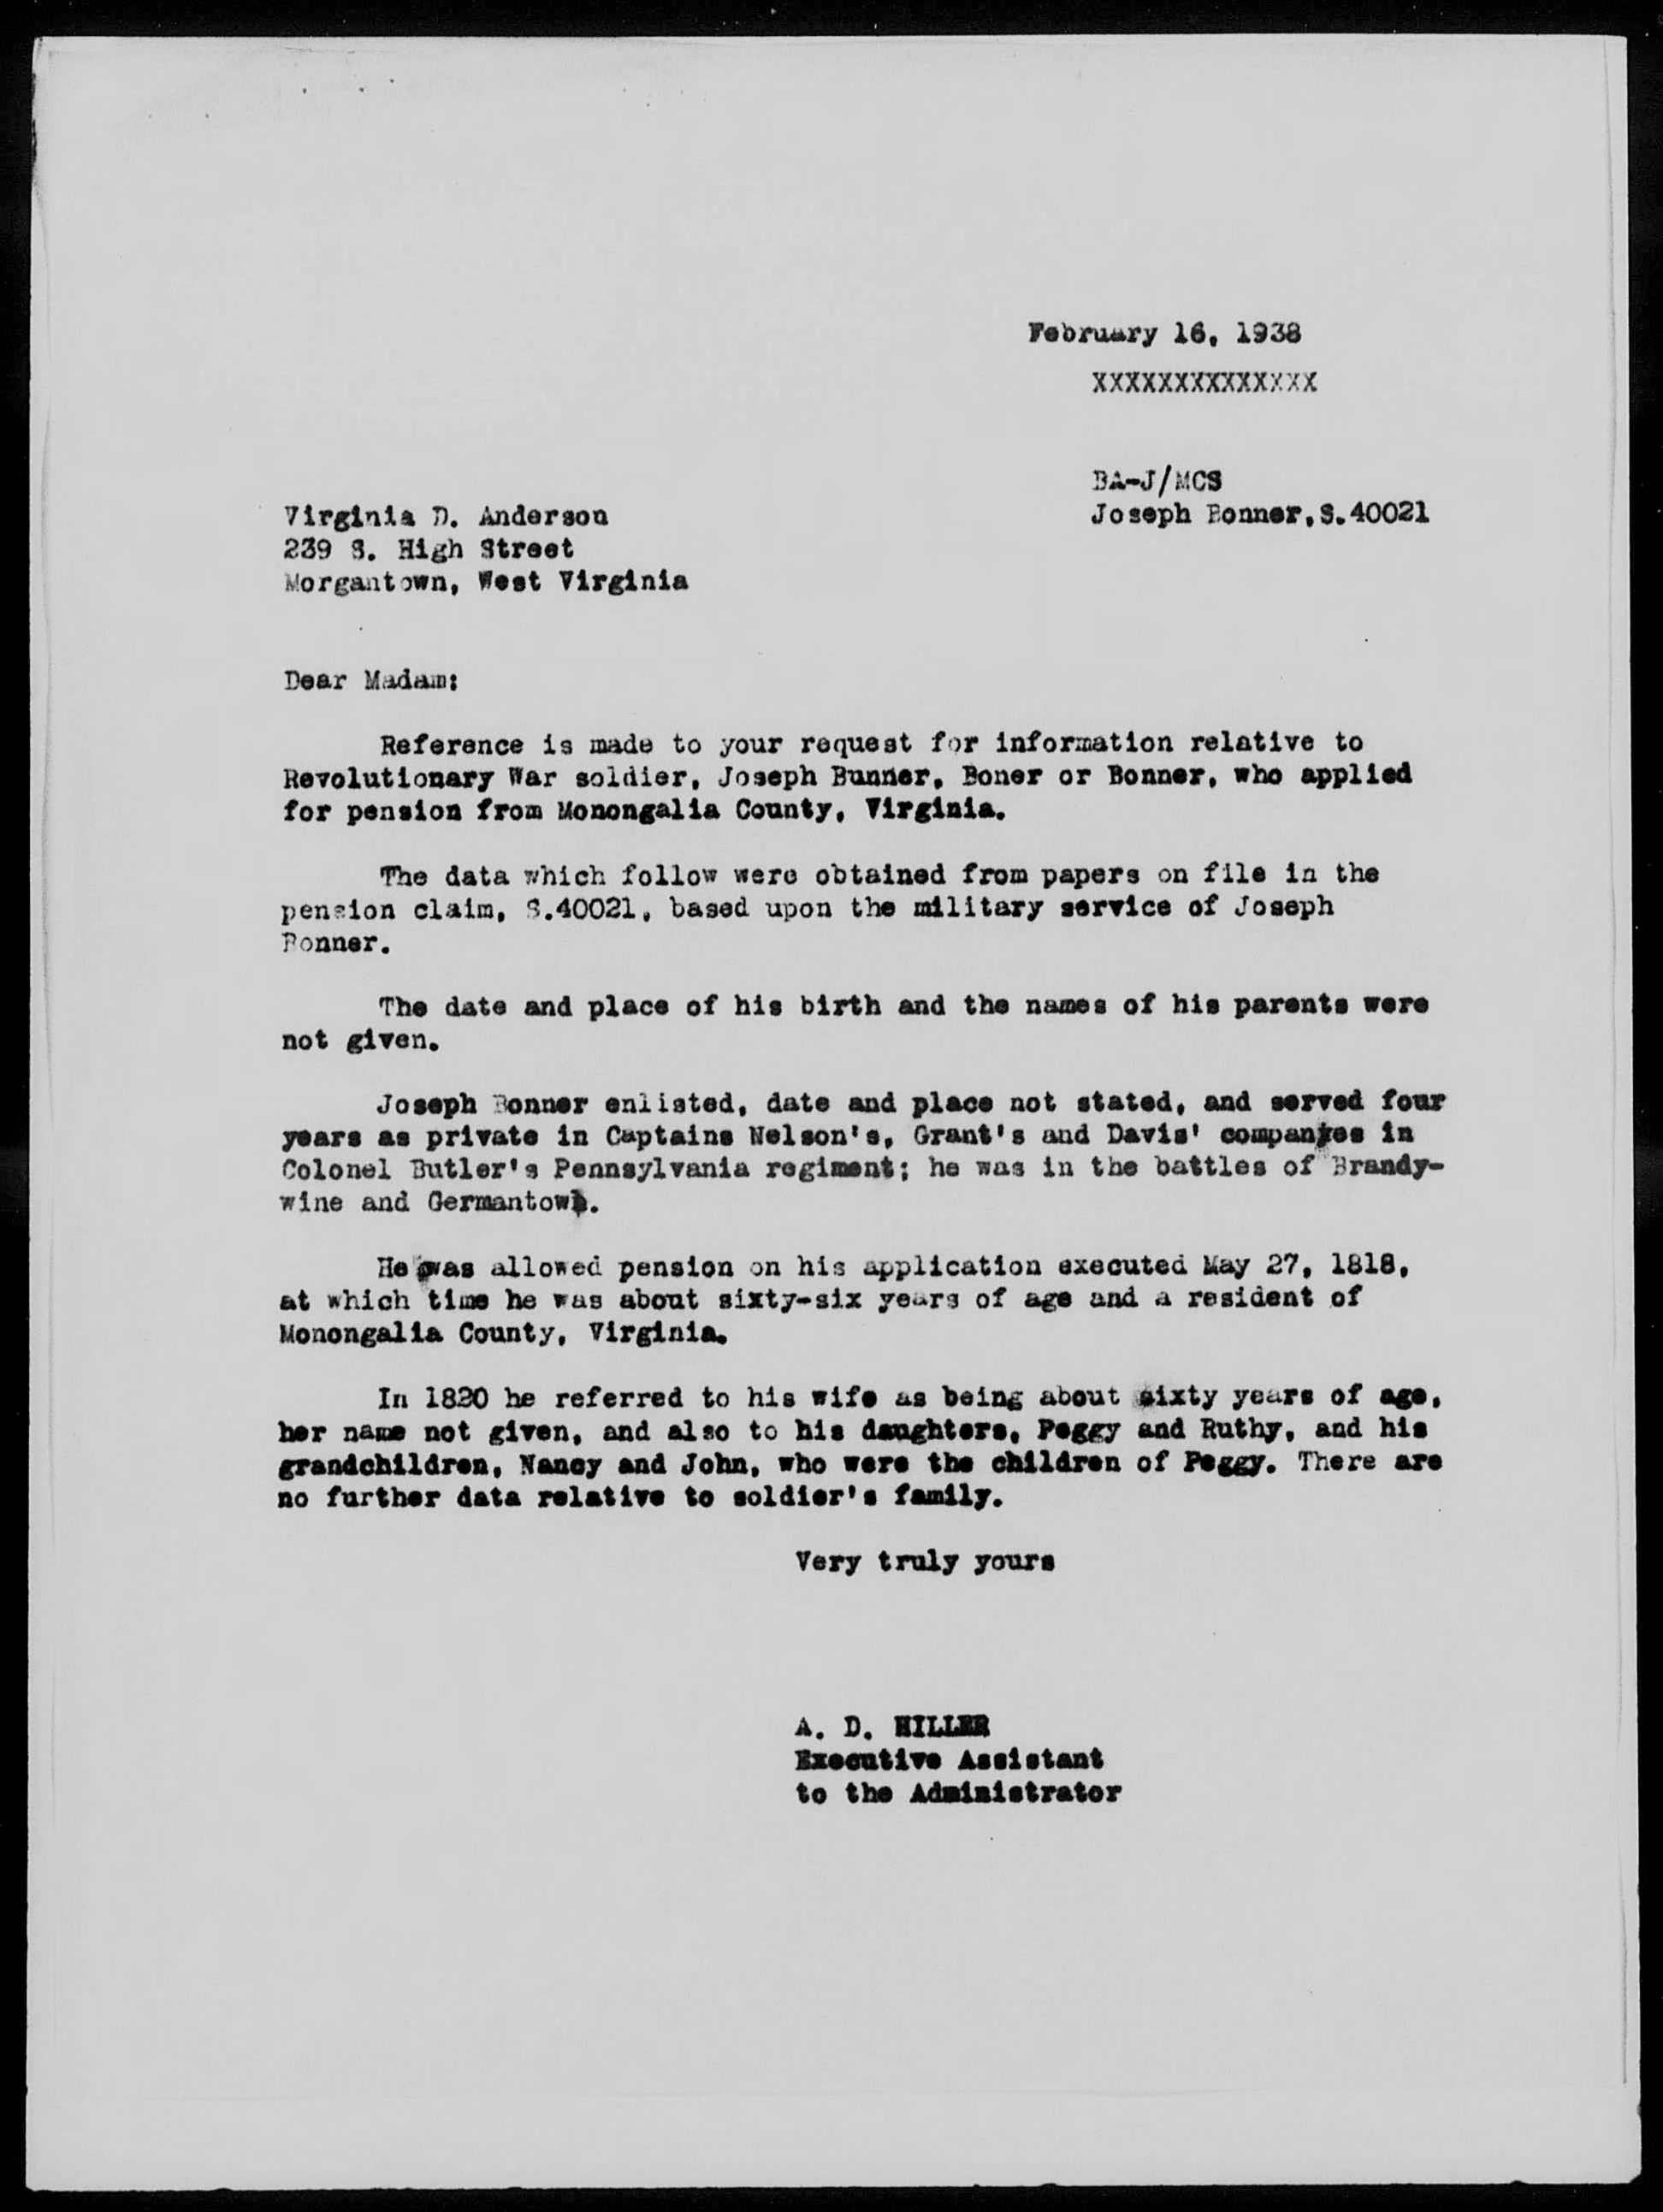February 16, 1938
XXXXXXXXXXXXX
BA-J/MCS
Joseph Bonner, S.40021

Virginia D. Anderson
239 S. High Street
Morgantown, West Virginia

Dear Madam:

Reference is made to your request for information relative to Revolutionary War soldier, Joseph Bunner, Boner or Bonner, who applied for pension from Monongalia County, Virginia.

The data which follow were obtained from papers on file in the pension claims, S.40021, based upon the military service of Joseph Bonner.

The date and place of his birth and the names of his parents were not given.

Joseph Bonner enlisted, date and place not stated, and served four years as private in Captains Nelson's, Grant's and Davis' companies in Colonel Butler's Pennsylvania regiment: he was in the battled of Brandywine and Germantown.

He was allowed pension on his application executed May 27, 1818, at which time he was about sixty-six years of age and a resident of Monongalia County, Virginia.

In 1820 he referred to his wife as being about sixty years of age, her name not given, and also to his daughters, Peggy and Ruthy, and his grandchildren, Nancy and John, who were the children of Peggy. There are no further data relative to soldier's family.  

Very truly yours

A. D. Hiller
Executive Assistance
to te Administrator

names: Joseph Bunner, Joseph Bonner, Joseph Bonner, A D Hiller, Peggy, Nancy, John, Peggy, Joseph Bonner, Joseph Boner, Ruthy, Joseph Bonner, Virginia D Anderson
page: 9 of 20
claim: survivor's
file: S. 40,021, Joseph Bonner, Penn.